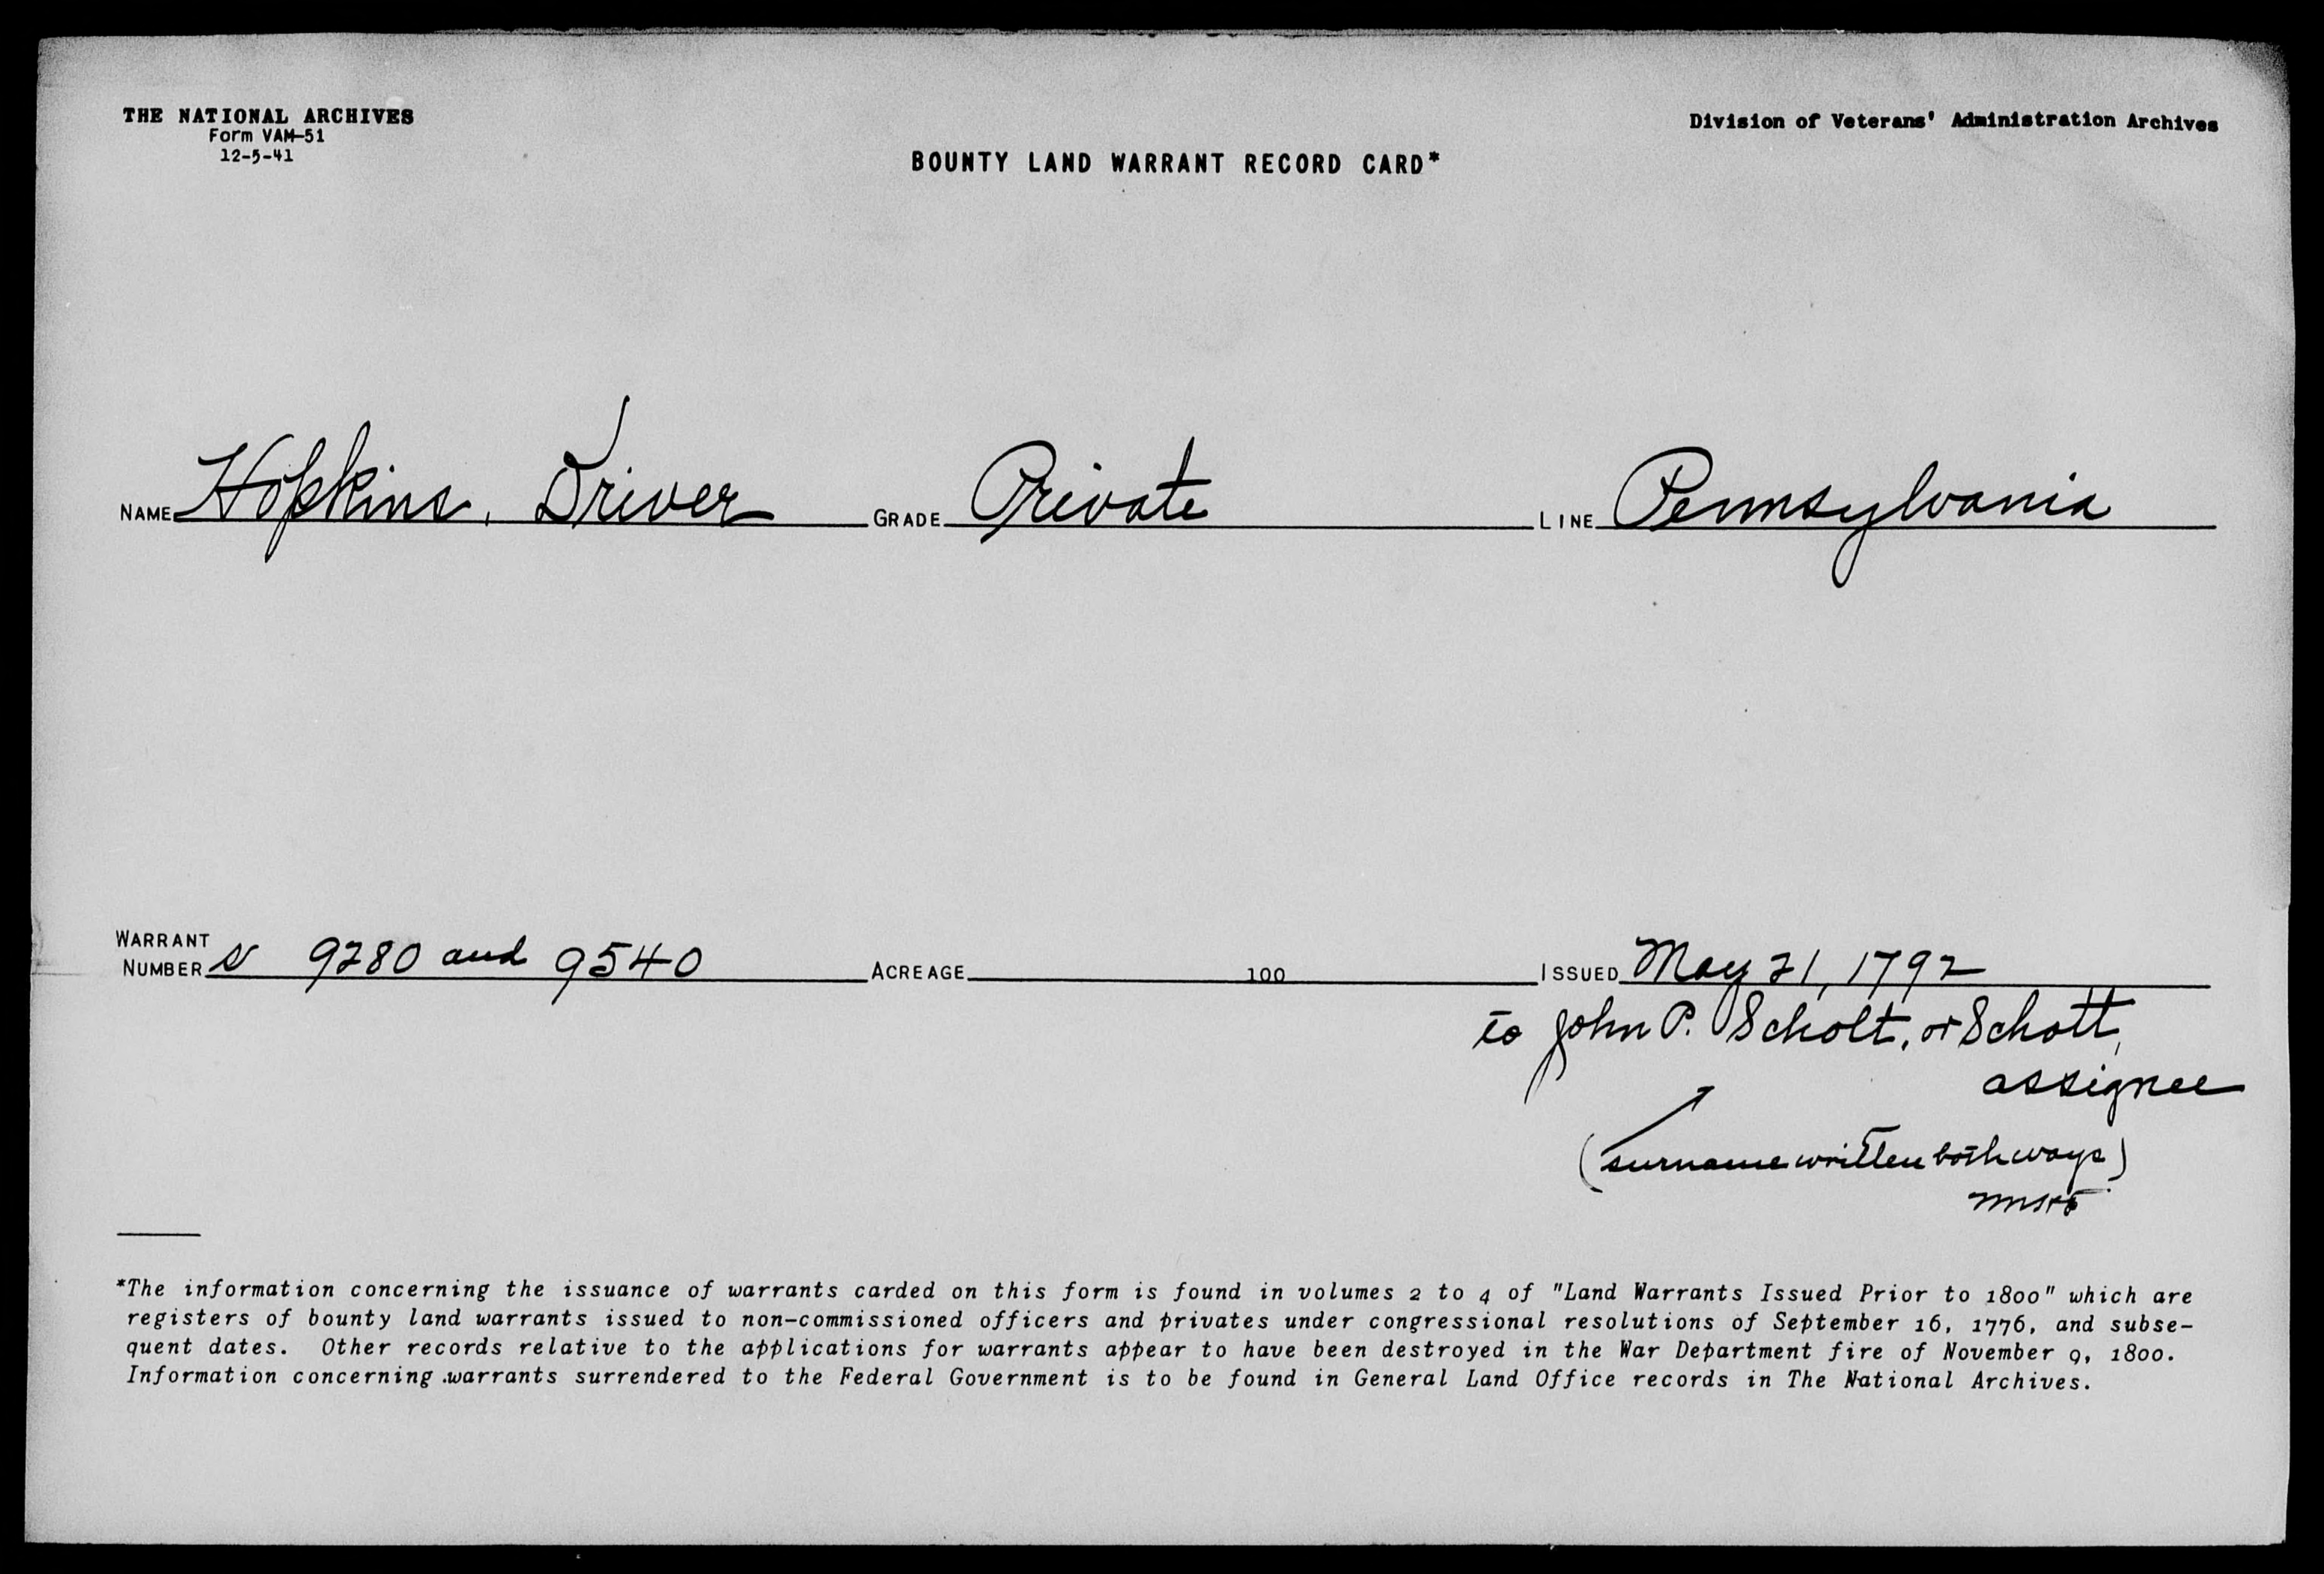THE NATIONAL ARCHIVES
Form VAM-51-
12 - 5 - 41  
Division of Veterans' Administration Archives
BOUNTY LAND WARRANT RECORD CARD*

NAME Hopkins, Driver  GRADE Private  LINE Pennsylvania
WARRANT
NUMBERs 9280 and 9540    ACREAGE     100  ISSUED May 21, 1792
to John P. Scholt, or Schott,
assignee
(surname written both ways)
MMSH

*The information concerning the issuance of warrants carded on this form is found in volumes 2 to 4 of "Land Warrants Issued Prior to 1800" which are registers of bounty land warrants issued to non-commissioned officers and privates under congressional resolutions of September 16, 1776, and subsequent dates. Other records relative to the applications for warrants appear to have been destroyed in the War Department fire of November 9, 1800. Information concerning warrants surrendered to the Federal Government is to be found in General Land Office records in The National Archives.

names: John P Scholt, Driver Hopkins, John P Schott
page: 62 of 144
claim: rejected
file: R. 5208, Dennis Hopkins, N.C.